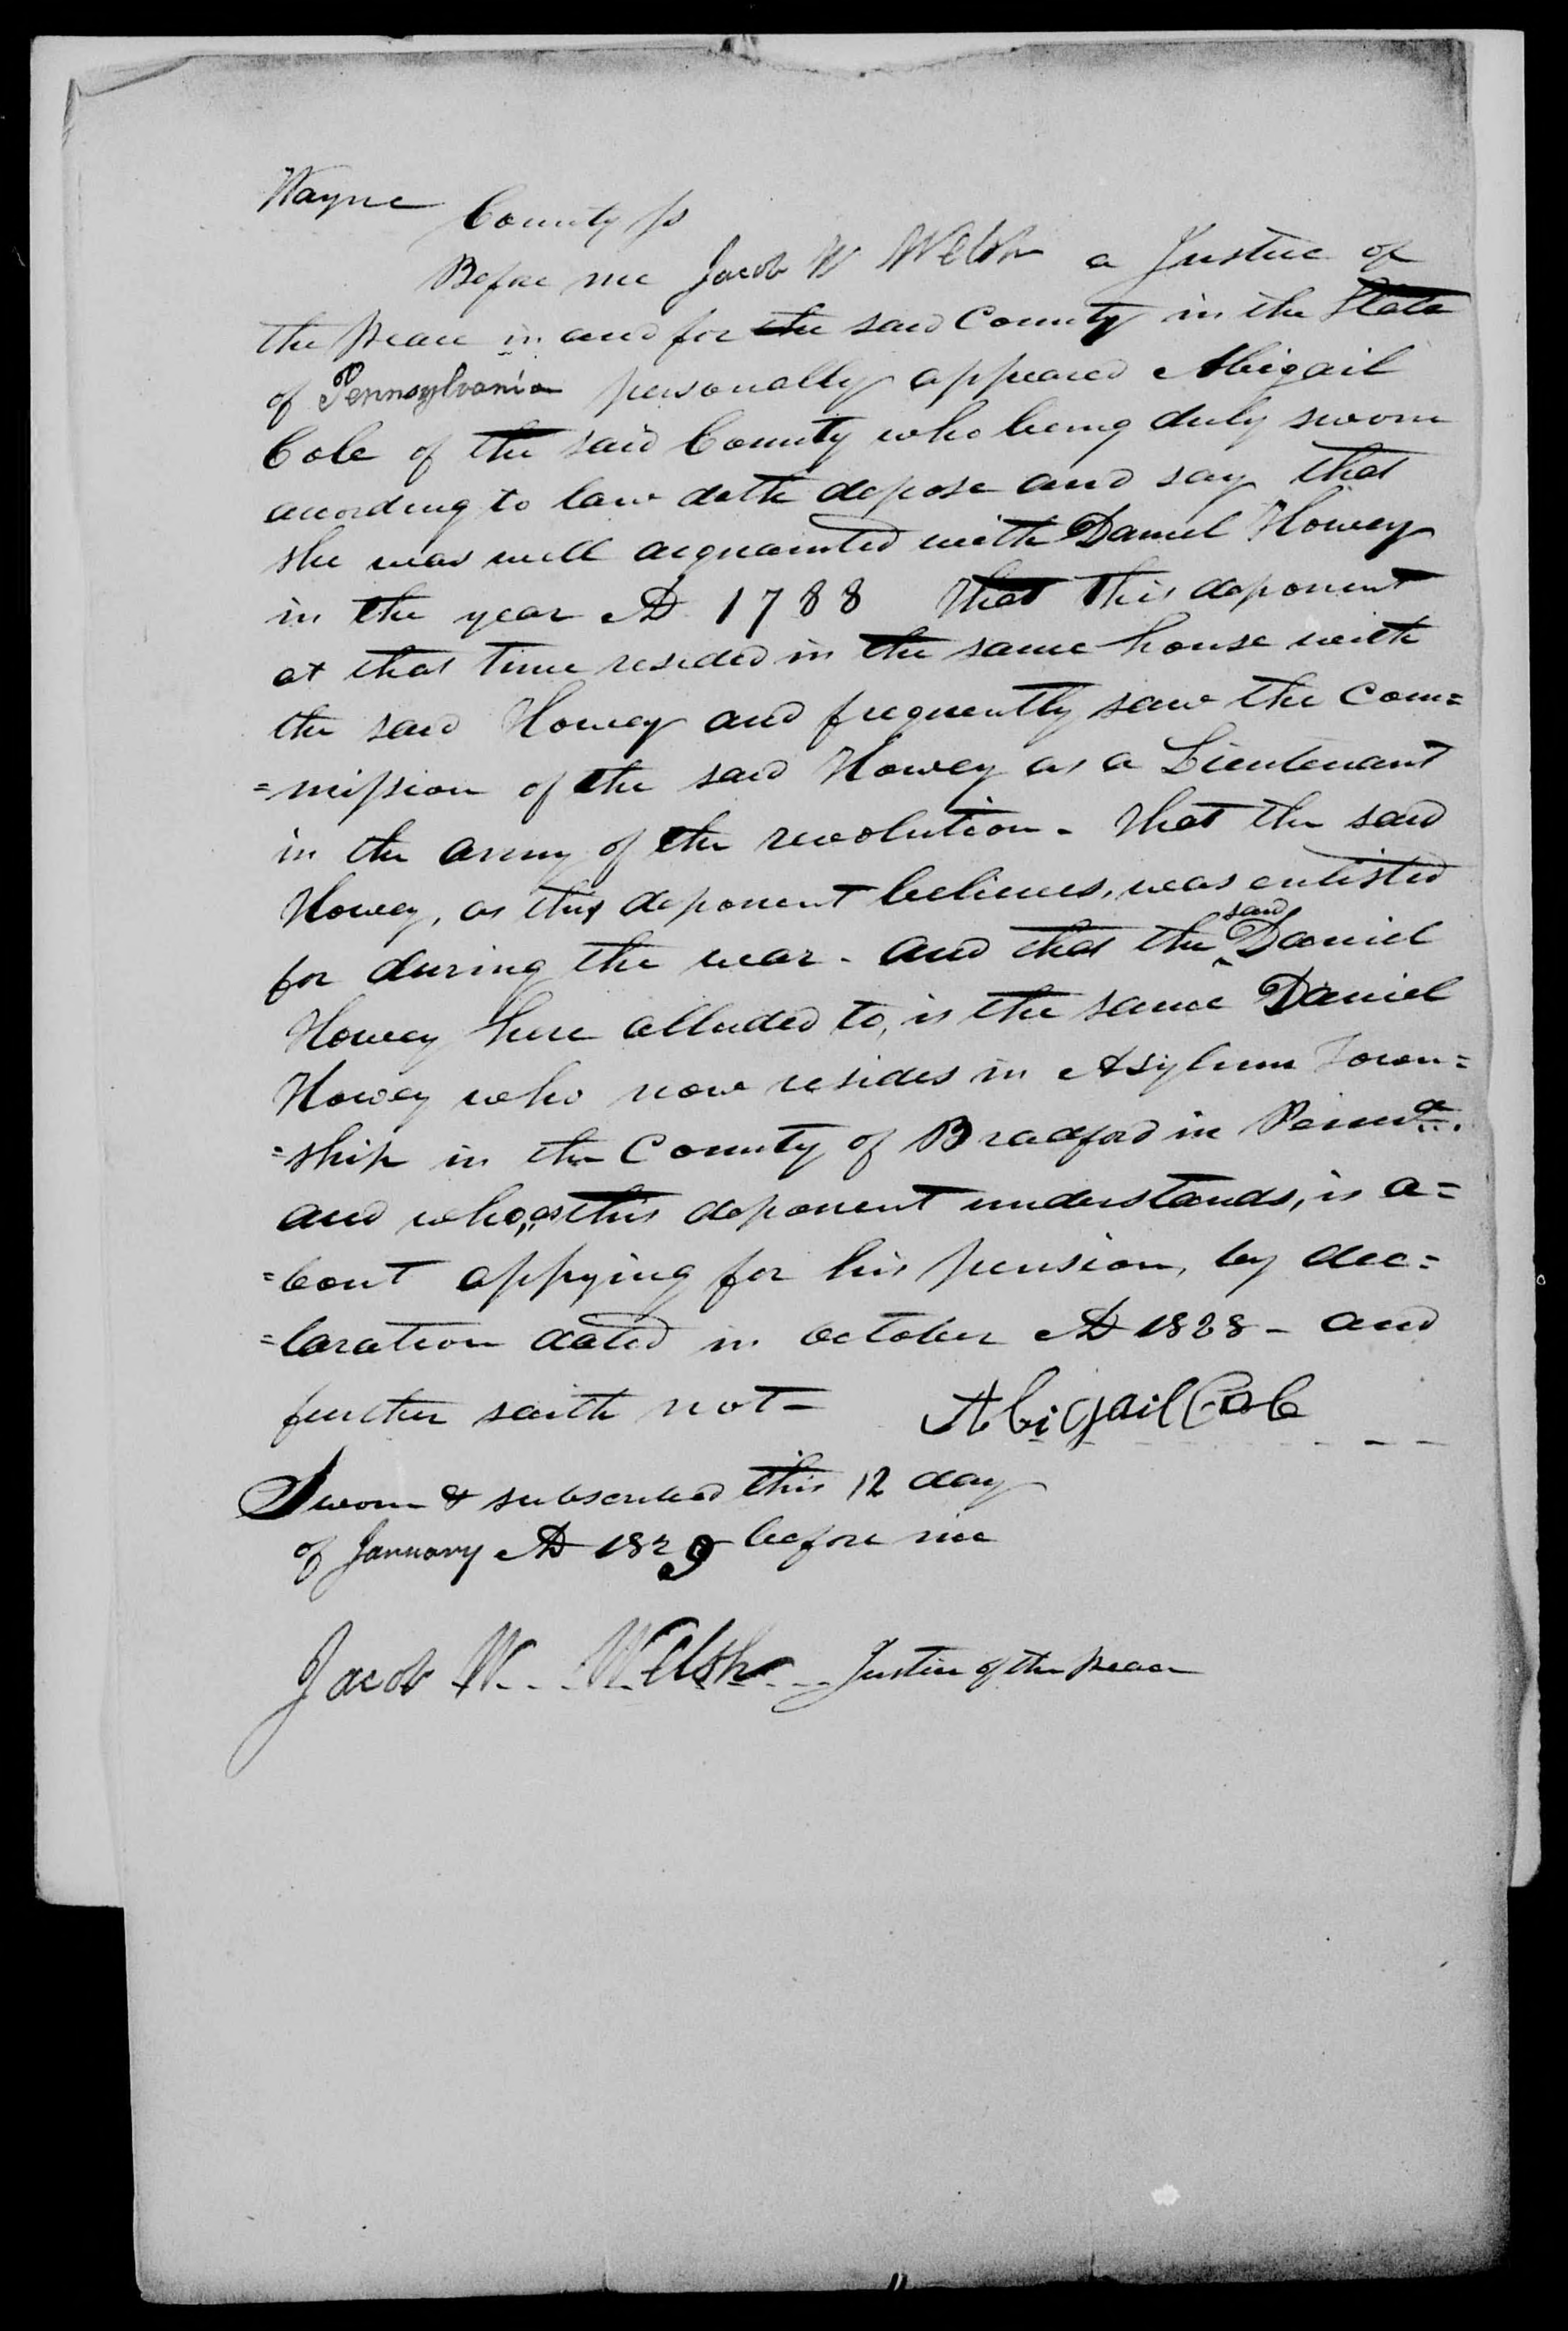Wayne County P
Before me Jacob W Welsh a Justice of the Peace in and for the said county in the State of Pennsylvania personally appeared Abigail Cole of the said County who being duly sworn according to law doth depose and say that she was well acquainted with Daniel Howey in the year AD 1788 that this deponent at that time resided in the same house with the said Howey and frequently saw the commission of the said Howey as a Lieutenant in the army of the revolution. That the said Howey, as this deponent believes, was enlisted for during the war. And that the said Daniel Howey, here alluded to, is the same Daniel Howey who now resides in Asylum Township in the county of Bradford in Penna and who, as this deponent understands, is about applying for his pension, by declaration dated in October AD 1828 and further saith not. [signature] Abigail Cole
Sworn and subscribed this 12 day of January AD 1829 before me. 
[dotted underline] Jacob W Welsh, Justice of the Peace.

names: Daniel Howey, Abigail Cole, Jacob W Welsh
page: 21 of 25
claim: rejected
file: R. 5190, Daniel Howey, New Jersey New York